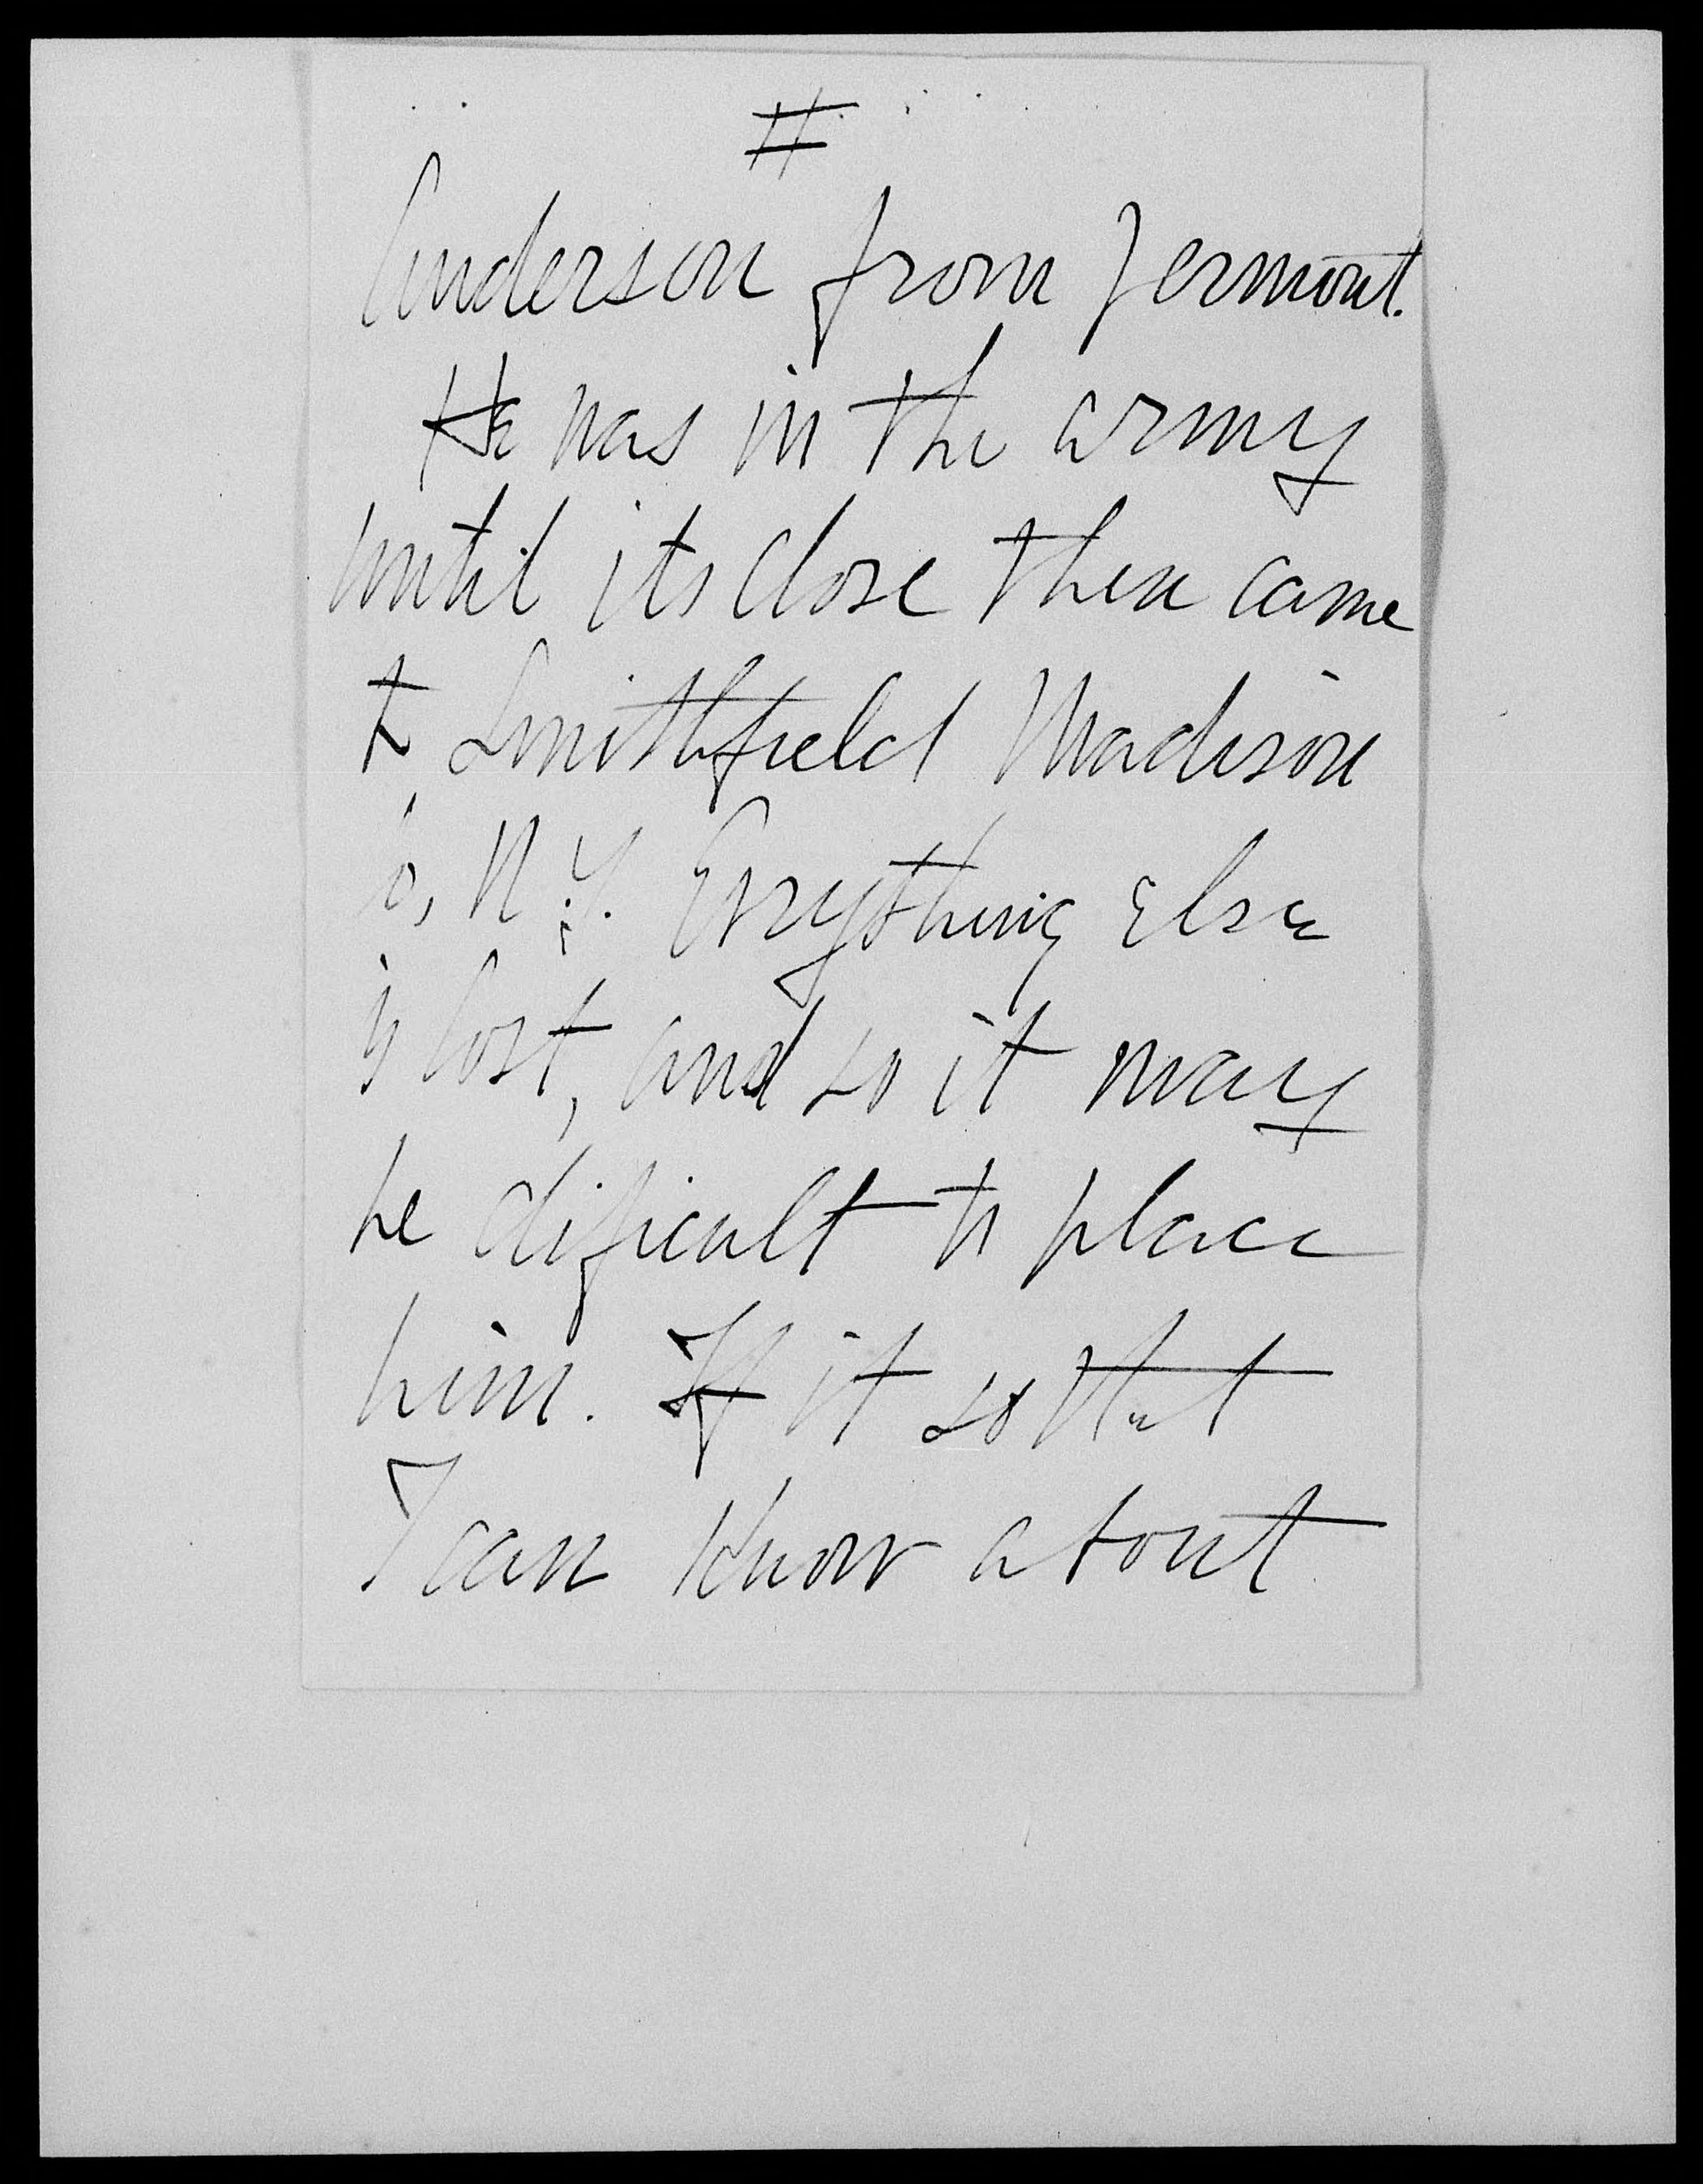#
Anderson from Vermont. 
He was in the army until its close then came to Smithfield Madison Co, N.Y. Evrything else is lost, and so it may be dificult to place him. If it so that I can know about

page: 20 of 40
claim: widow's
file: W. 24,615, for Ebenezer Lyon, Connecticut